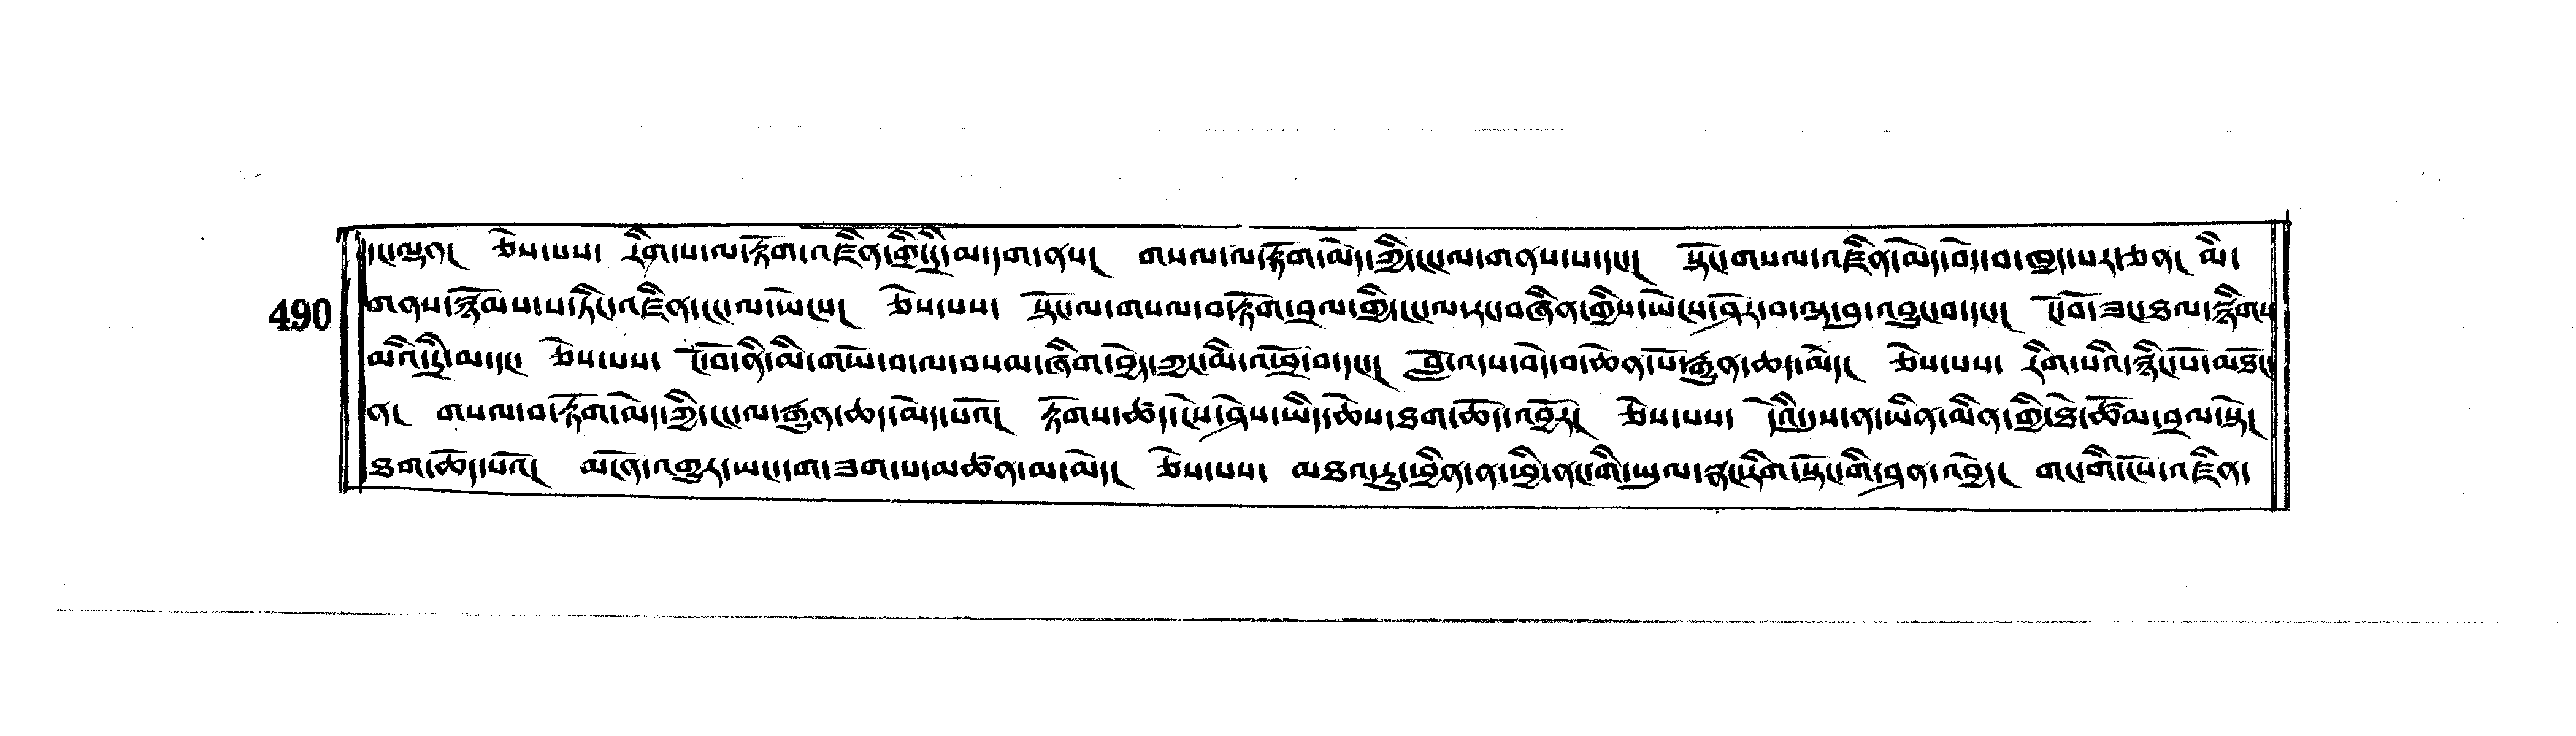དང་ལྡན། ཅེས་པས། རིག་པ་ལ་རྟོག་འཛིན་གྱི་དྲི་མ་དག་ནས། གསལ་ལ་རྟོག་མེད་ཀྱི་ངང་དུ་གནས་པ་དང་། སྟོང་གསལ་འཛིན་མེད་བདེ་བ་ཁྱད་པར་ཅན། མི་
གནས་སྙོམས་པ་ཏིང་འཛིན་ངང་ལ་ཡེངས། ཅེས་པས། སྟོང་ལ་གསལ་བ་རྟོག་བྲལ་གྱི་ངང་ལ་རང་བཞིན་གྱིས་ཡེངས་ཤོར་བ་ལྟ་བུ་འབྱུང་བ་དང་། ངོ་བོ་ཟང་ཐལ་སྙིགས་
མའི་དྲི་མ་དང་། ཅེས་པས། ངོ་བོ་ནི་མི་གཡོ་བ་ལ་བསམ་གཞིགས་བྱེད་ཀྱང་མི་འཕྲོ་བ་དང་། བློ་འདས་བདེ་བ་ཆེན་པོ་རྒྱུན་ཆད་མེད། ཅེས་པས། རིག་པའི་སྙིང་པོ་མཐོང་
ན་གསལ་བ་རྟོག་མེད་ཀྱི་ངང་ལ་རྒྱུན་ཆད་མེད་པའོ། རྟོགས་ཚད་ངེས་ཤེས་ཡིད་ཆེས་ཐག་ཆོད་འབྱོར། ཅེས་པས། དེའི་དུས་ན་ཡིན་མིན་གྱི་ཐེ་ཚོམ་བྲལ་ཏེ་
ཐག་ཆོད་པའོ། མངོན་གྱུར་ཡང་དག་ཟག་པ་མཚན་མ་མེད། ཅེས་པས། མཐའ་རུ་ཕྱིན་ན་ཕྱི་ནང་གི་ཡུལ་སྣང་རིག་སྟོང་གི་ཤན་འབྱེད། གང་གི་ངོས་འཛིན་